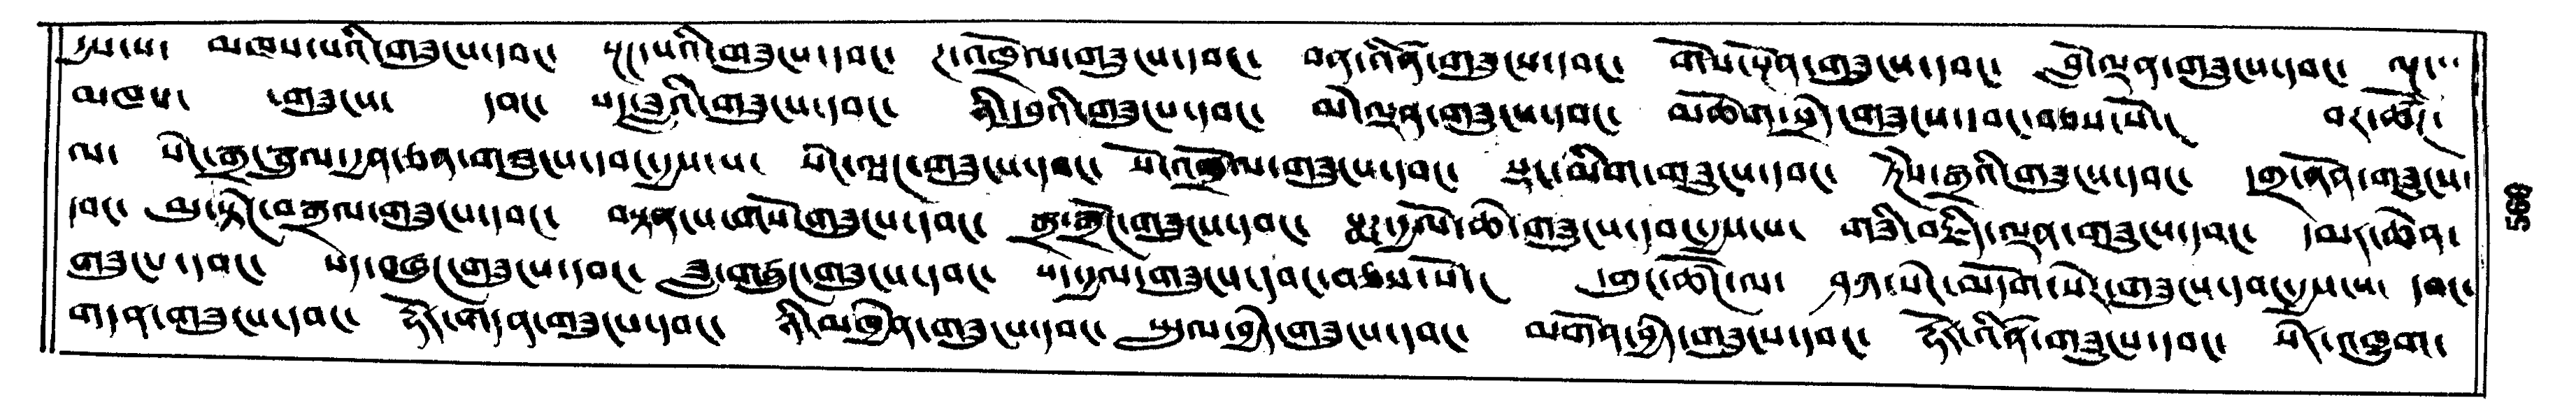རྒྱས་པ། མཁས་པའི་གཟུངས་དབང་། སྔགས་པའི་གཟུངས་དབང་། ཌ་འཀྲོལ་གཟུངས་དབང་། བན་འཛིན་གཟུངས་དབང་། གཽ་སྔོན་གཟུངས་དབང་། བློ་ལྡན་གཟུངས་དབང་། ལྔ་
མཁས་ གཟུངས་ དབང་། པད་ཟླའི་གཟུངས་དབང་། ཉི་དབུའི་གཟུངས་དབང་། མེ་ལྡན་གཟུངས་དབང་། མཆོག་སྲེད་གཟུངས་དབང་བཅས་སོ། བར་ཚོགས་
ལ(?)། སེང་སྒྲ་སྦྲུལ་རྒྱན་ཅན་གཟུངས་དབང་རྒྱས་པ། སེང་ལྤགས་གཟུངས་དབང་། སོ་འཁྲོལ་གཟུངས་དབང་། སྡང་མིག་གཟུངས་དབང་། རྔམས་སྒྲའི་གཟུངས་དབང་། དགྲ་ནོན་གཟུངས་
དབང་། མུ་སྟེགས་བསྒྲལ་གཟུངས་དབང་། བསྟན་པ་གསོ་གཟུངས་དབང་། སྒྲ་སྒྲོགས་གཟུངས་དབང་། པདྨ་རྒྱལ་པོ་ཆེ་གཟུངས་དབང་རྒྱས་པ། གཟི་བརྗིད་ལྡན་གཟུངས་དབང་། དམར་ཆེན་
གཟུངས་དབང་། པད་བཞུགས་གཟུངས་དབང་། ཟླ་གཞུགས་གཟུངས་དབང་། པད་རྒྱལ་གཟུངས་དབང་བཅས་སོ། དགུང་ཚོགས་ལ། ཤཱཀ་སེང་མདོག་སེར་གཟུངས་དབང་རྒྱས་པ། དབང་
གདན་གཟུངས་དབང་། རྡོར་གདན་གཟུངས་དབང་། ཉི་མཁྱེན་གཟུངས་དབང་། སྤྲུལ་བྱེད་གཟུངས་དབང་། མགོན་བྱེད་གཟུངས་དབང་། རྡོར་འཛིན་གཟུངས་དབང་། སེར་འཁྱུག་